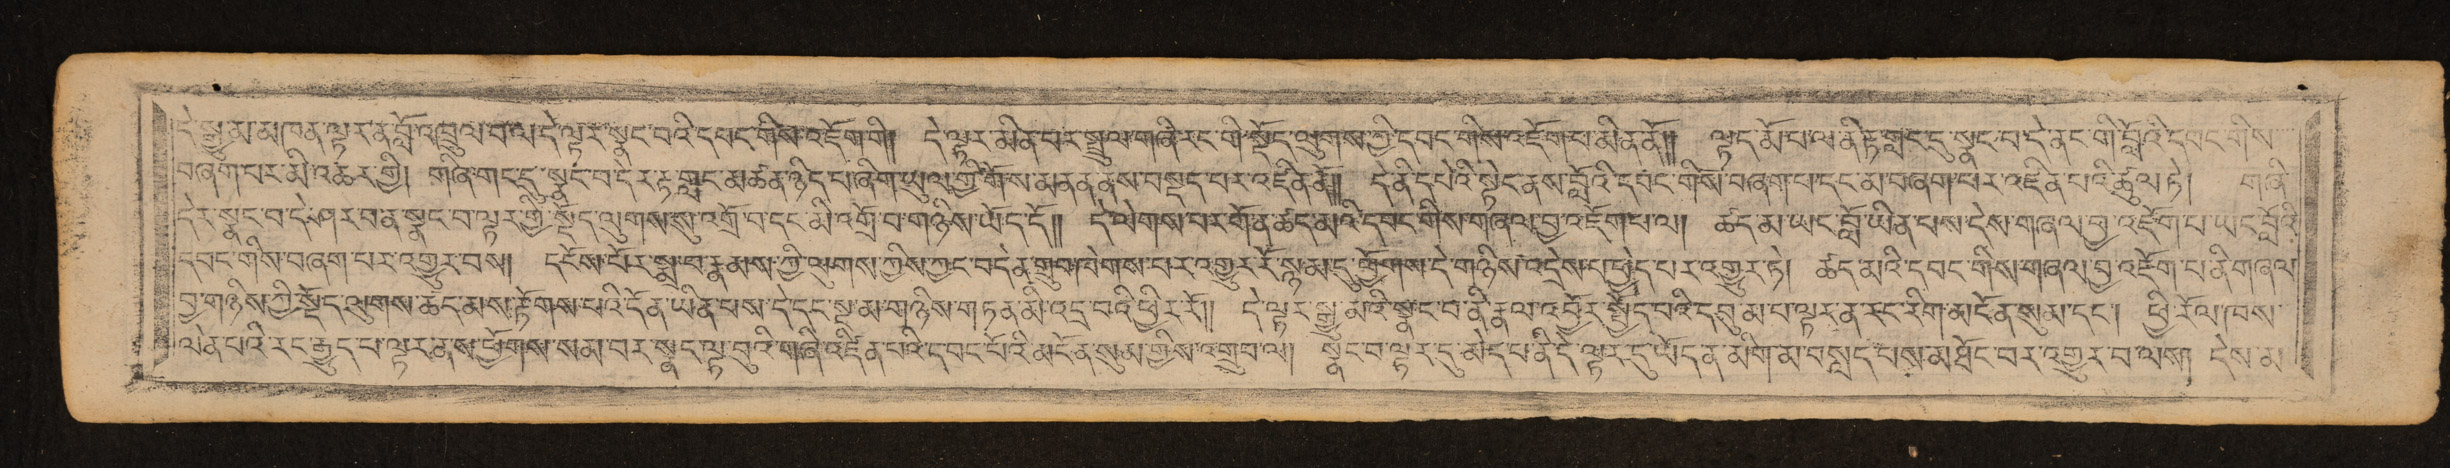དེ་སྒྱུ་མ་མཁན་ལྟར་ན་བློ་འཁྲུལ་བ་ལ་དེ་ལྟར་སྣང་བའི་དབང་གིས་འཇོག་གི། དེ་ལྟར་མིན་པར་སྤྲུལ་གཞི་རང་གི་སྡོད་ལུགས་ཀྱི་དབང་གིས་འཇོག་པ་མིན་ནོ།། ལྟད་མོ་བ་ལ་ནི་རྟ་གླང་དུ་སྣང་བ་དེ་ནང་གི་བློའི་དབང་གིས་
བཞག་པར་མི་འཆར་གྱི། གཞི་གང་དུ་སྣང་བ་དེར་རྟ་གླང་མཚན་ཉིད་པ་ཞིག་ཡུལ་གྱི་གོ་ས་མནན་ནས་བསྡད་པར་འཛིན་ནོ།། དེ་ནི་དཔེའི་སྟེང་ནས་བློའི་དབང་གིས་བཞག་པ་དང་མ་བཞག་པར་འཛིན་པའི་ཚུལ་ཏེ། གཞི་
དེར་སྣང་བ་དེ་ཤར་བ་ན་སྣང་བ་ལྟར་གྱི་སྡོད་ལུགས་སུ་འགྲོ་བ་དང་མི་འགྲོ་བ་གཉིས་ཡོད་དོ།། དེ་ལེགས་པར་གོ་ན་ཚད་མའི་དབང་གིས་གཞལ་བྱ་འཇོག་པ་ལ། ཚད་མ་ཡང་བློ་ཡིན་པས་དེས་གཞལ་བྱ་འཇོག་པ་ཡང་བློའི་
དབང་གིས་བཞག་པར་འགྱུར་བས། དངོས་པོར་སྨྲ་བ་རྣམས་ཀྱི་ལུགས་ཀྱིས་ཀྱང་བདེན་གྲུབ་ཁེགས་པར་འགྱུར་རོ་སྙམ་དུ་ཕྱོགས་དེ་གཉིས་འདྲེས་པ་ཕྱེད་པར་འགྱུར་ཏེ། ཚད་མའི་དབང་གིས་གཞལ་བྱ་འཇོག་པ་ནི་གཞལ་
བྱ་གཉིས་ཀྱི་སྡོད་ལུགས་ཚད་མས་རྟོགས་པའི་དོན་ཡིན་པས་དེ་དང་སྔ་མ་གཉིས་གཏན་མི་འདྲ་བའི་ཕྱིར་རོ།། དེ་ལྟར་སྒྱུ་མའི་སྣང་བ་ནི་རྣལ་འབྱོར་སྤྱོད་པའི་དབུ་མ་པ་ལྟར་ན་རང་རིག་མངོན་སུམ་དང་། ཕྱི་རོལ་ཁས་
ལེན་པའི་རང་རྒྱུད་པ་ལྟར་ན་ས་ཕྱོགས་སམ་བར་སྣང་ལྟ་བུའི་གཞི་འཛིན་པའི་དབང་པོའི་མངོན་སུམ་གྱིས་འགྲུབ་ལ། སྣང་བ་ལྟར་དུ་མེད་པ་ནི་དེ་ལྟར་དུ་ཡོད་ན་མིག་མ་བསླད་པས་མཐོང་བར་འགྱུར་བ་ལས། དེས་མ་